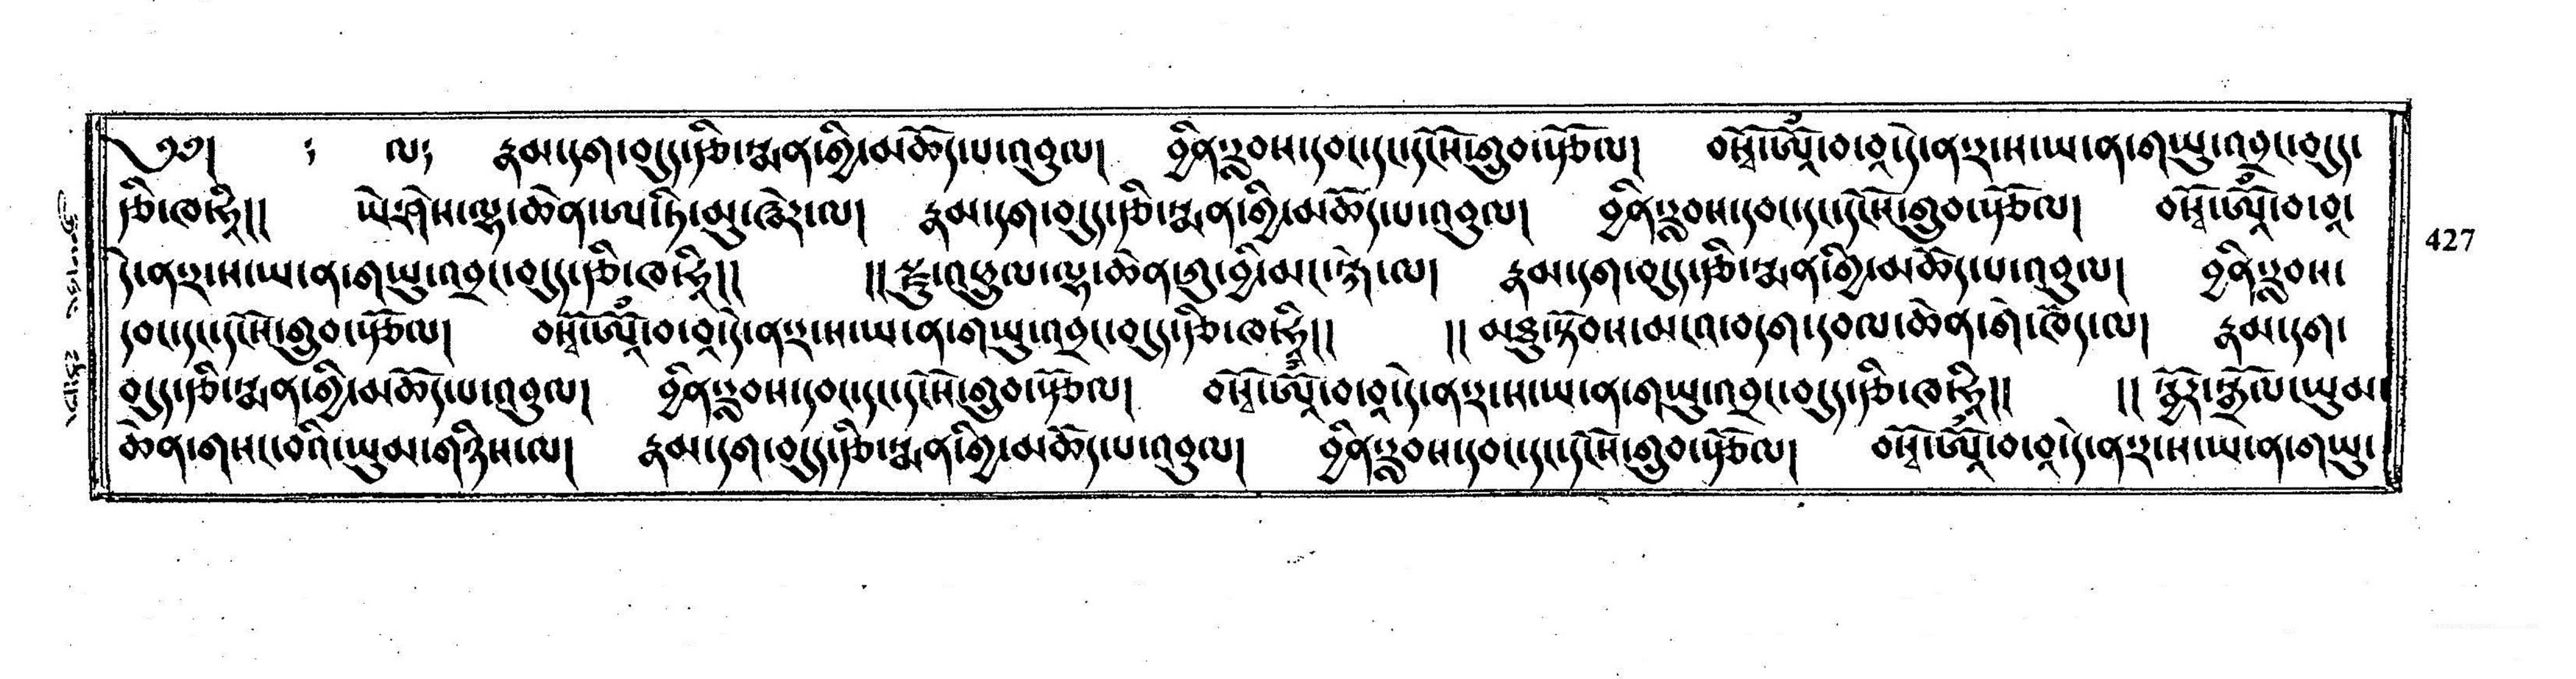ལ། རྣམ་དག་བདུད་རྩི་སྨན་གྱི་མཆོད་པ་འབུལ། བྱིན་རླབས་དབང་དང་དངོས་གྲུབ་སྩོལ།། བསྭོ་ཨཱོཾ་བ་བཱ་དེ་ན་ར་ས་ཡ་ན་གཡུ་འབྲང་བདུད་
རྩི་ཁ་ཧཱི།། ཡེ་ཤེས་ལྷ་ཆེན་ཨ་ཏི་མུ་ཝེར་ལ། རྣམ་དག་བདུད་རྩི་སྨན་གྱི་མཆོད་པ་འབུལ། བྱིན་རླབས་དབང་དང་དངོས་གྲུབ་སྩོལ། བསྭོ་ཨཱོཾ་བ་བཱ་
དེ་ན་ར་ས་ཡ་ན་གཡུ་འབྲང་བདུད་རྩི་ཁ་ཧཱི།། །།རྫུ་འཕྲུལ་ལྷ་ཆེན་ཀུ་བྱི་མང་སྐེ་ལ། རྣམ་དག་བདུད་རྩི་སྨན་གྱི་མཆོད་པ་འབུལ། བྱིན་རླབས་
དབང་དང་དངོས་གྲུབ་སྩོལ། བསྭོ་ཨཱོཾ་བ་བཱ་དེ་ན་ར་ས་ཡ་ན་གཡུ་འབྲང་བདུད་རྩི་ཁ་ཧཱི།། །།མཐུ་སྟོབས་མངའ་བདག་དབལ་ཆེན་གེ་ཁོད་ལ། རྣམ་དག་
བདུད་རྩི་སྨན་གྱི་མཆོད་པ་འབུལ། བྱིན་རླབས་དབང་དང་དངོས་གྲུབ་སྩོལ། བསྭོ་ཨཱོཾ་བ་བཱ་དེ་ན་{440}ར་ས་ཡ་ན་གཡུ་འབྲང་བདུད་རྩི་ཁ་ཧཱི།། །།སྦྱོར་སྒྲོལ་ཡུམ་
ཆེན་གསང་བའི་ཡུམ་གཉིས་ལ། རྣམ་དག་བདུད་རྩི་སྨན་གྱི་མཆོད་པ་འབུལ། བྱིན་རླབས་དབང་དང་དངོས་གྲུབ་སྩོལ། བསྭོ་ཨཱོཾ་བ་བཱ་དེ་ན་ར་ས་ཡ་ན་གཡུ་